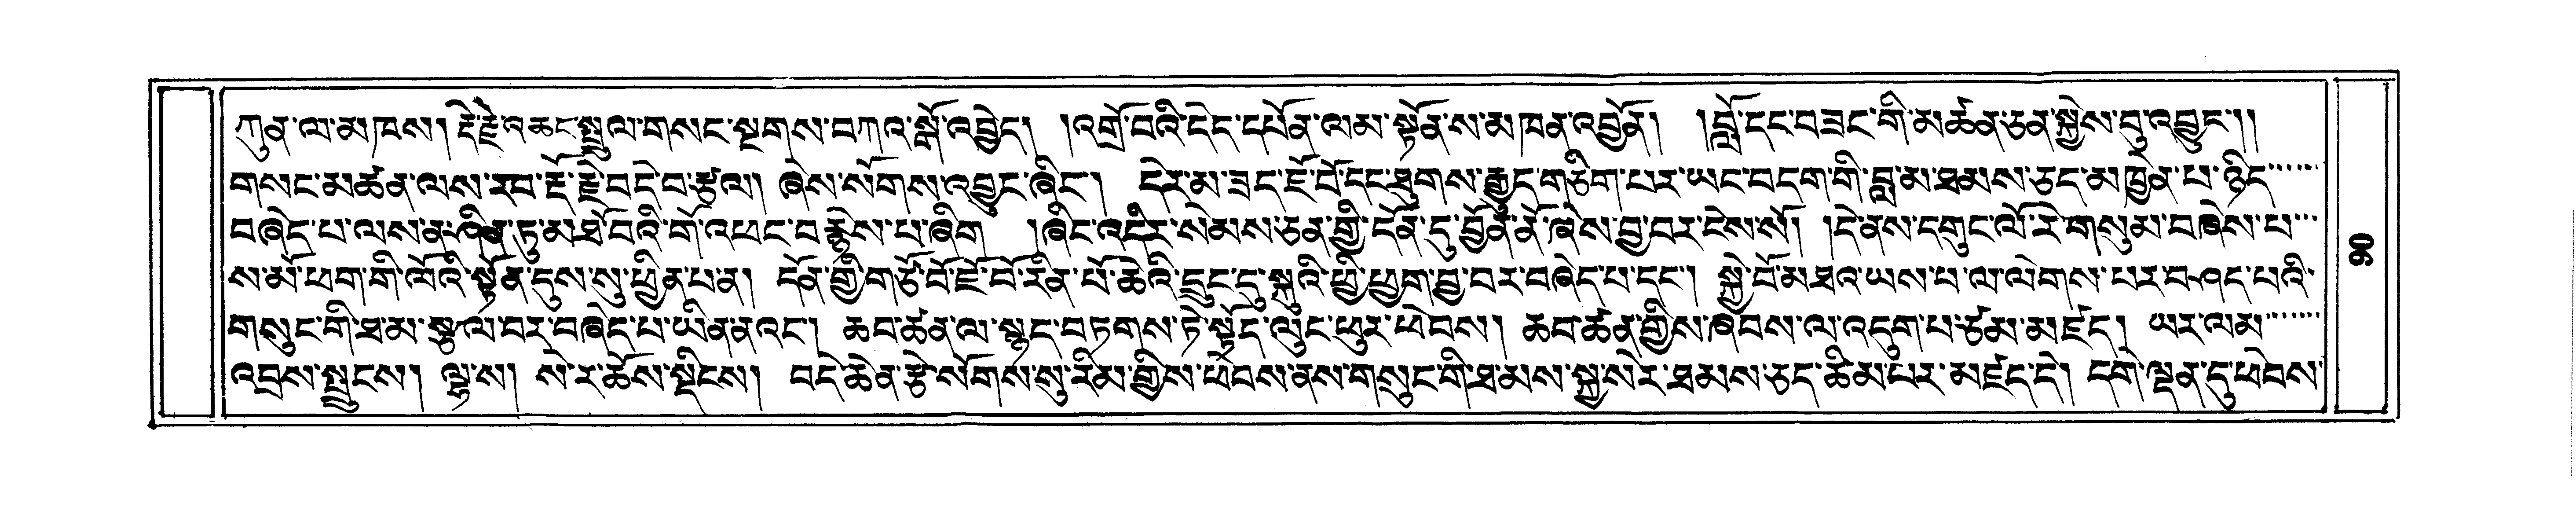ཀུན་ལ་མཁས། རྡེ་རྗེ་འཆང་སྤྲུལ་གསང་སྔགས་བཀའ་སྒོ་འབྱེད། །འགྲོ་བའི་དེད་དཔོན་ལམ་སྟོན་ས་མཁན་འབྱོན། །བློ་དང་བཟང་གི་མཚན་ཅན་སྐྱེས་བུ་འབྱུང།།
གསང་མཚན་ལས་རབ་རྡོ་རྗེ་བདེ་བ་རྩལ། ཞེས་སོགས་འབྱུང་ཞིང་། དེར་མ་ཟད་ཇོ་བོ་དང་ཐུགས་རྒྱུད་གཅིག་པར་ཡང་བདག་གི་བླ་མ་ཐམས་ཅད་མཁྱེན་པ་ཉིད་
བཞེད་པ་ལས་ན་ཤིན་ཏུ་མཐོ་བའི་གོ་འཕང་བརྙེས་པ་ཞིག །ཞིང་འདིར་སེམས་ཅན་གྱི་དོན་དུ་བྱོན་ནོ་ཞེས་བྱ་བར་ངེས་སོ། །དེ་ནས་དགུང་ལོ་རེ་གསུམ་བཞེས་པ་
ས་མོ་ཕག་གི་ལོའི་སྟོན་དུས་སུ་ཕྱིན་པ་ན། དོན་གྱི་གཙོ་བོ་ཇོ་བོ་རིན་པོ་ཆེའི་དྲུང་དུ་སྐུའི་ཕྱི་ཕྱག་བྱ་བར་བཞེད་པ་དང་། སྐྱེ་བོ་མཐའ་ཡས་པ་ལ་ལེགས་པར་བཤད་པའི་
གསུང་གི་ཐ་མ་སྩལ་བར་བཞེད་པ་ཡིན་ནའང་། ཆབ་ཚན་ལ་སྙད་བཏགས་ཏེ་སྟོད་ལུང་ཕུར་ཕེབས། ཆབ་ཚན་གྱིས་ཞབས་ལ་འདུག་པ་ཙམ་མཛད། ཡར་ལམ་
འབྲས་སྤྲུངས། ལྷ་ས། སེ་ར་ཆོས་སྡིངས། བདེ་ཆེན་རྩེ་སོགས་སུ་རིམ་གྱིས་ཕེབས་ནས་གསུང་གི་ཐ་མས་སྐྱ་སེར་ཐམས་ཅད་ཚིམ་པར་མཛད་དེ། དགེ་ལྡན་དུ་ཕེབས་